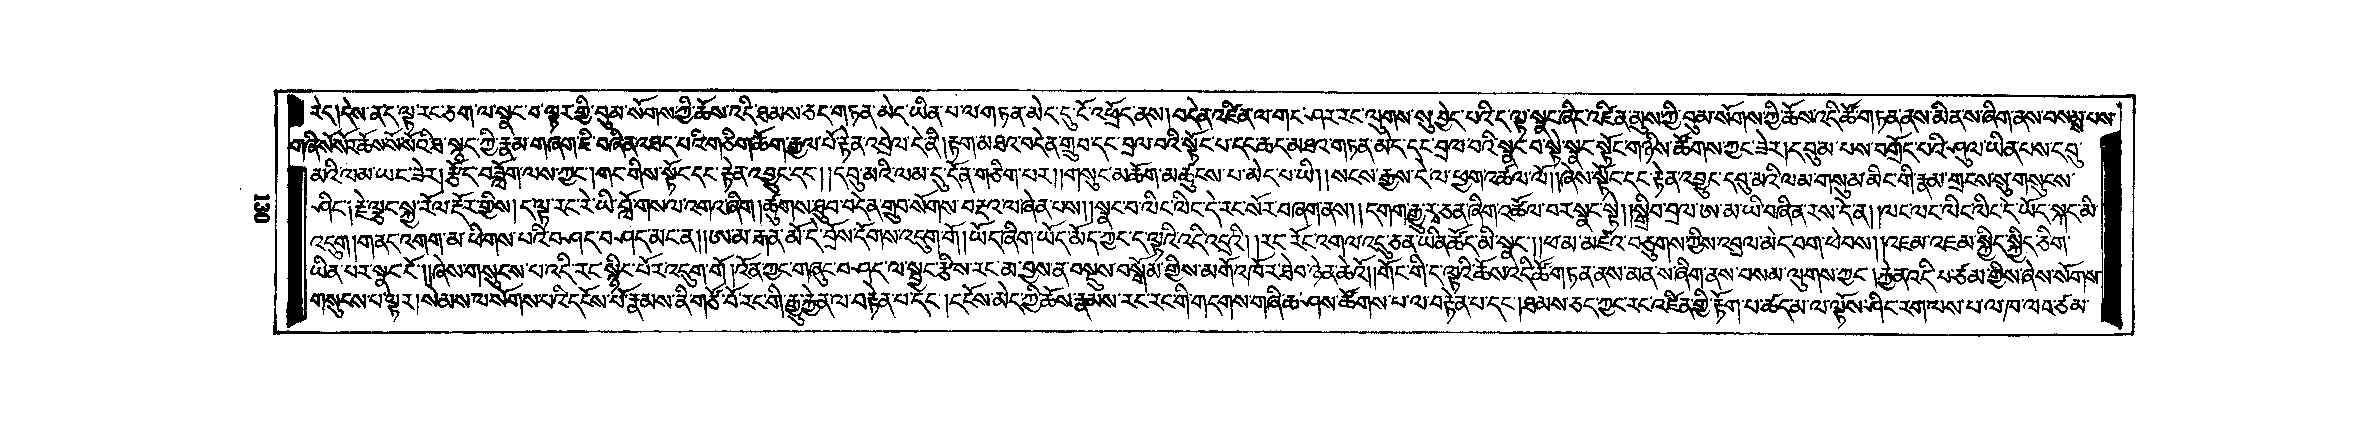རེད། དེས་ན་ད་ལྟ་རང་ཅག་ལ་སྣང་བ་ལྟར་གྱི་བུམ་སོགས་ཀྱི་ཆོས་འདི་ཐམས་ཅད་གཏན་མེད་ཡིན་པ་ལ་གཏན་མེད་དུ་ངོ་འཕྲོད་ནས། བདེན་འཛིན་ལ་གང་ཤར་རང་ལུགས་སུ་བྱེད་པའི་ད་ལྟ་སྣང་ཞིང་འཛིན་མུས་ཀྱི་བུམ་སོགས་ཀྱི་ཆོས་འདི་ཚོ་གཏན་ནས་མིན་ས་ཞིག་ནས་བསམས་པས་
གཞི་སོ་སོར་ཆོས་སོ་སོའི་ཐ་སྙད་ཀྱི་རྣམ་གཞག་ཇི་བཞིན་འཐད་པའི་གཅིག་ཆོག་རྒྱལ་པོ་རྟེན་འབྲེལ་དེ་ནི། རྟག་མཐའ་བདེན་གྲུབ་དང་བྲལ་བའི་སྟོང་པ་དང་ཆད་མཐའ་གཏན་མེད་དང་བྲལ་བའི་སྣང་བ་སྟེ་སྣང་སྟོང་གཉིས་ཚོགས་ཀྱང་ཟེར། དབུ་མ་པས་བགྲོད་པའི་ཤུལ་ཡིན་པས་དབུ་
མའི་ལམ་ཡང་ཟེར། རྩོད་བཟློག་ལས་ཀྱང་། གང་གིས་སྟོང་དང་རྟེན་འབྱུང་དང་། །དབུ་མའི་ལམ་དུ་དོན་གཅིག་པར། །གསུང་མཆོག་མཚུངས་པ་མེད་པ་ཡི། །སངས་རྒྱས་དེ་ལ་ཕྱག་འཚལ་ལོ། །ཞེས་སྟོང་དང་རྟེན་འབྱུང་དབུ་མའི་ལམ་གསུམ་མིང་གི་རྣམ་གྲངས་སུ་གསུངས་
ཤིང་། རྗེ་ལྕང་སྐྱ་རོལ་རྡོར་གྱིས། ད་ལྟ་རང་རེ་ཡི་བློ་གསལ་འགའ་ཞིག །ཚུགས་ཐུབ་བདེན་གྲུབ་སོགས་བརྡའ་ལ་ཞེན་པས། །སྣང་བ་ལིང་ལིང་དེ་རང་སོར་བཞག་ནས། །དགག་རྒྱུ་རྭ་ཅན་ཞིག་འཚོལ་བར་སྣང་སྟེ། །སྒྲིབ་བྲལ་ཨ་མ་ཡི་བཞིན་རས་དེ་ན། །ལང་ལང་ལིང་ལིང་དེ་ཡོད་སྐད་མི་
འདུག །གནད་འགག་མ་ཕིགས་པའི་བཤད་བཤད་མང་ན། །ཨ་མ་རྒན་མོ་དེ་བྲོས་དོགས་འདུག་གོ །ཡོད་ཞིག་ཡོད་མོད་ཀྱང་ད་ལྟའི་འདི་འདྲའི། །རང་རོང་འགལ་འདུ་ཅན་ཡིན་ཚོད་མི་སྣང་། །ཕ་མ་མཛའ་བཅུགས་ཀྱིས་འབྲལ་མེད་བག་ཕེབས། །འཇམ་འཇམ་སྐྱིད་སྐྱིད་ཅིག་
ཡིན་པར་སྣང་ངོ། །ཞེས་གསུངས་པ་འདི་རང་སྙིང་པོར་འདུག་གོ །འོན་ཀྱང་གཞུང་བཤད་ལ་སྦྱང་རྩིས་རྣག་མ་བྱས་ན་བསྡུས་བསྒོམ་གྱིས་མགོ་འཁོར་ཐེབ་ཉེན་ཆེའོ། །གོང་གི་ད་ལྟའི་ཆོས་འདི་ཚོ་གཏན་ནས་མན་ས་ཞིག་ནས་བསམ་ལུགས་ཀྱང་། རྐྱེན་འདི་པ་ཙམ་གྱིས་ཞེས་སོགས་
གསུངས་པ་ལྟར། སེམས་ལ་གོས་པའི་དངོས་པོ་རྣམས་ནི་གཙོ་བོ་རང་གི་རྒྱུ་རྐྱེན་ལ་བརྟེན་པ་དང་། དངོས་མེད་ཀྱི་ཆོས་རྣམས་རང་རང་གི་གདགས་གཞི་ཆ་ཤས་ཚོགས་པ་ལ་བརྟེན་པ་དང་། ཐམས་ཅད་ཀྱང་རང་འཛིན་གྱི་རྟོག་པ་ཚད་མ་ལ་ལྟོས་ཤིང་རག་ལས་པ་ལ་ཁ་ལབ་ཙམ་